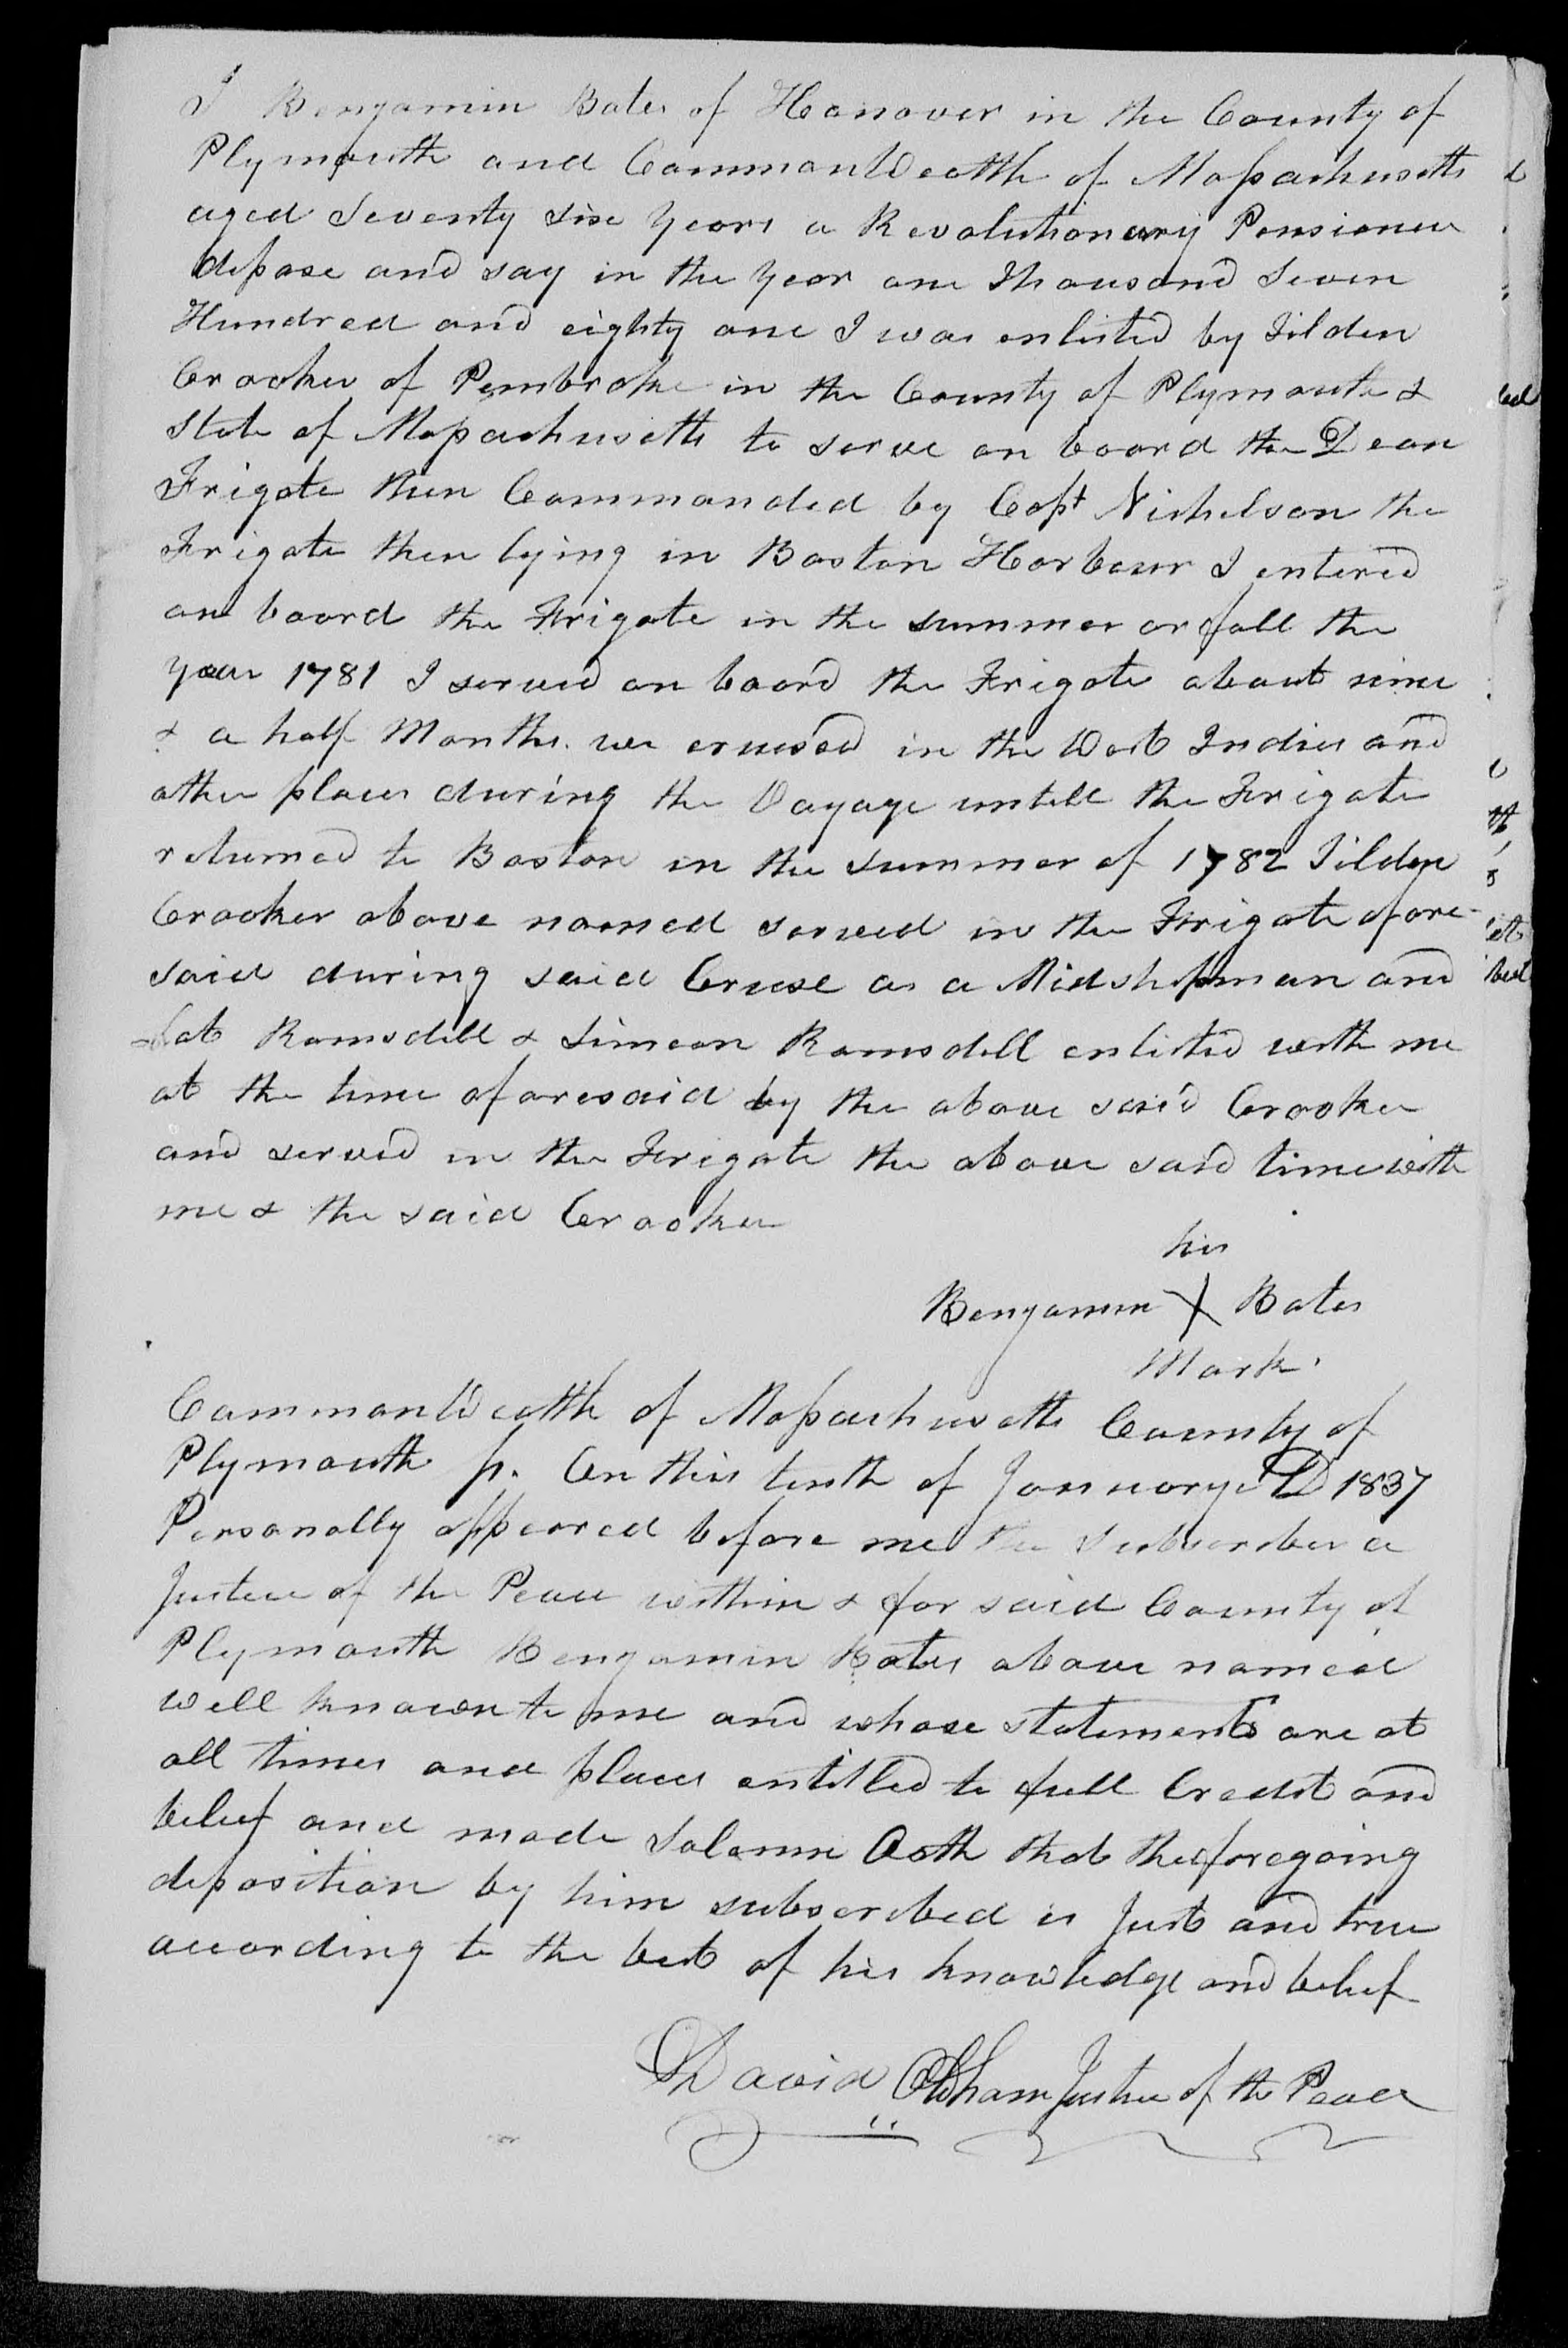I Benjamin Bates of Hanover in the County of Plymouth and Commonwealth of Massachusetts aged seventy six years a Revolutionary Pensioner depose and say in the year one thousand seventeen hundred and eighty one I was enlisted by Tilden Crooker of Pembroke in the County of Plymouth and State of Massachusetts to serve on board the Dean Frigate then commanded by Capt. Nicholson the Frigate then lying in Boston Harbour.  I entered on board the Frigate in the summer or fall the year 1781.  I served on board the Frigate about nine and a half months.  we cruised in the West Indies and other places during the Voyage until the Frigate returned to Boston in the summer of 1782. Tilden Crooker above named served in the Frigate aforesaid during said Cruise as a Midshipman and ? Ramsdell and Simeon Ramsdell enlisted with me at the time aforesaid by the above said Crooker and served in the Frigate the above said time with me and the said Crooker.

Benjamin Bates (his mark)


Commonwealth of Massachusetts County of Plymouth

On this tenth day of January AD 1837 Personally appeared before me David Oldham a Justice of the Peace within and for said County of Plymouth Benjamin Bates above named well known to me and whose statement are at all times and places entitled to full credit and belief and made solemn oath that the foregoing deposition by him subscribed is Just and true according to the best of his knowledge and belief

David Oldham
Justice of the Peace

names: Ramsdall, Nicholson, Tilden Crooker, David Oldham, Benjamin Bates, Tilden Crooker, Crooker, Benjamin Bates, Simeon Ramsdall, Benjamin Bates, Crooker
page: 26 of 33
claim: widow's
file: W. 22862, Tilden Crooker, Mass Navy